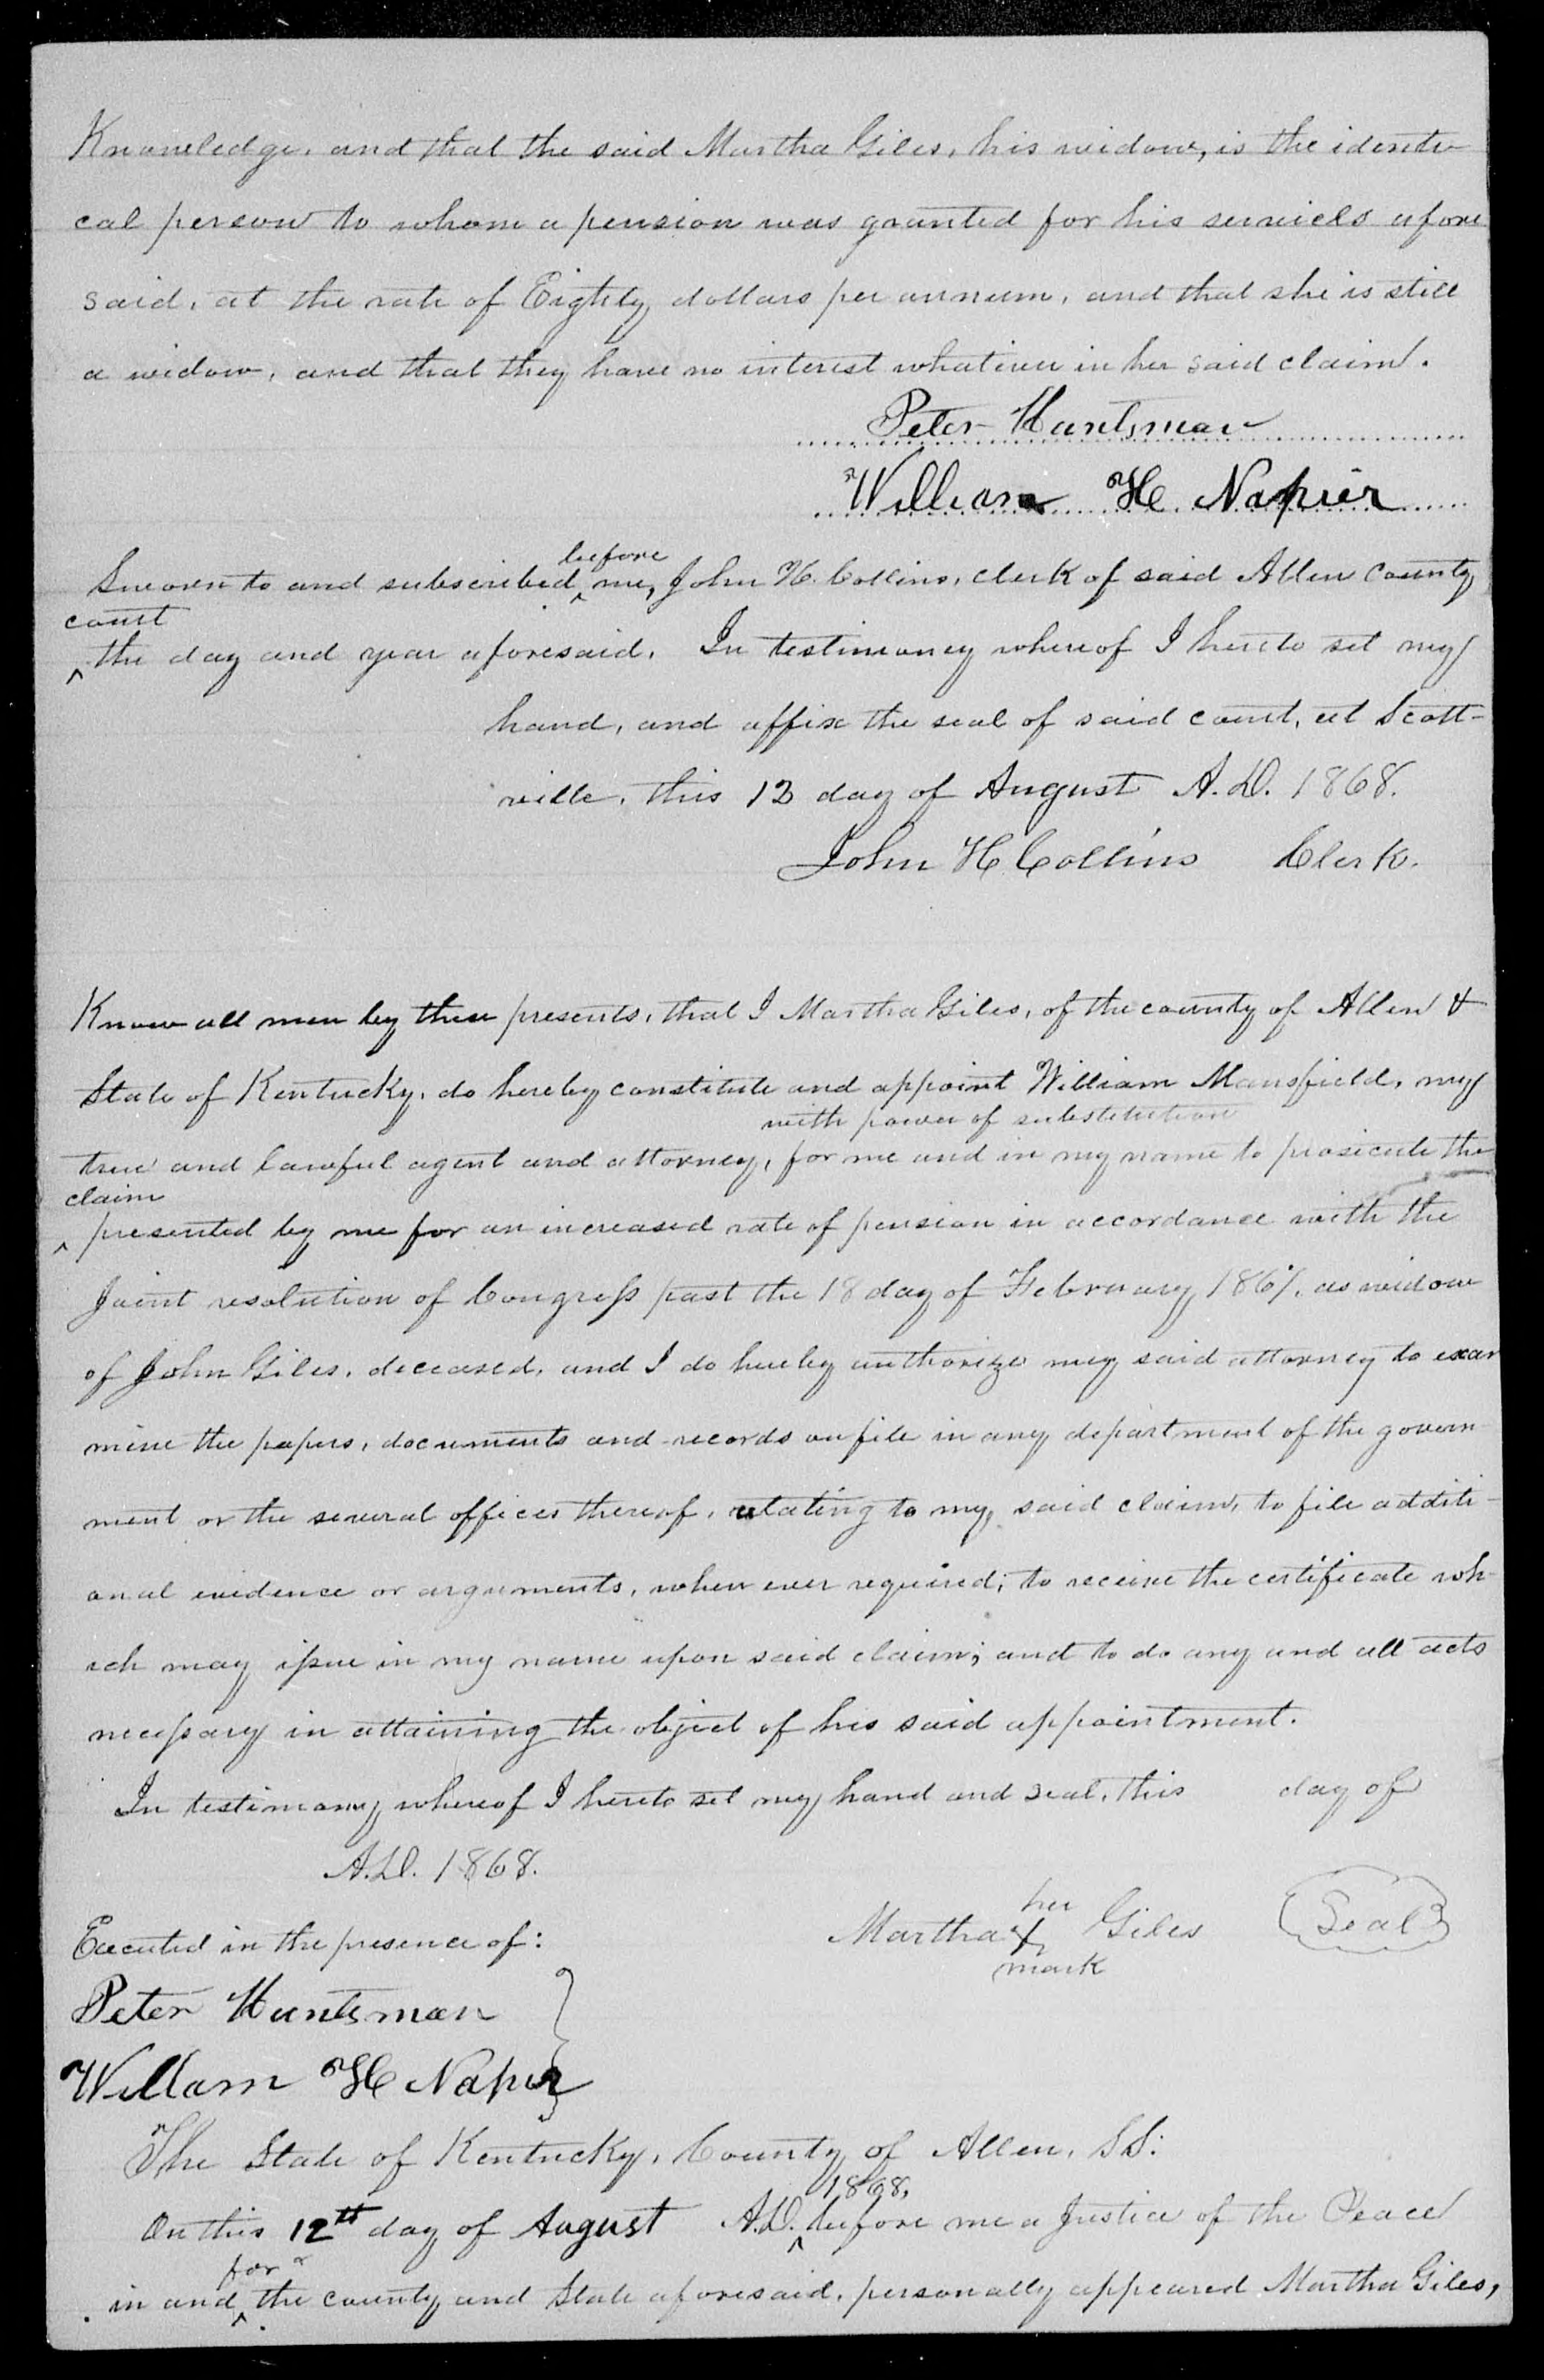knowledge, and that the said Martha Giles, his widow, is the identical person to whom a pension was granted for his services aforesaid, at the rate of Eighty dollars per annum, and that she is still a widow, and that they have no interest whatever in her said claim.
Peter Huntsman
Willima H. Napier
Sworn to and subscribed before me, John H. Collins, clerk of said Allen County court the day and year aforesaid, In testimony whereof I hereto set my hand, and affix the seal of said court, at Scottville, this 13 day of August A.D. 1868.
John H. Collins Clerk

Known all men by then presents, that I Martha Giles, of the county of Allen + state of Kentucky, do hereby constitute and appoint William Mansfield, my true and lawful agent and attorney with power of substitution, for me and in my name to prosicute the claim presented by me for an increased rate of pension in accordance with the joint resolution of congress past the 18 day of February 1867 as widow of John Giles, deceased, and I do hereby authorize my said attorney to exmine the papers, documents, and records on file in any department of the gevernment or the several offices thereof, relating to my said claim, to file additional evidence or arguments, when ever required; and to do any and all acts necessary in attaining the object of his said appointment. 
In testimony whereof I hereto set my hand and seal this __ day of A.D. 1868.
Martha her X mark Giles

Executed in the presence of:
Peter Huntsman
William H. Napier

The State of Kentucky, County of Allen, SS:
On this 12th day of August A.D. 1868 before me a justice of the peace in and for the county and state aforesaid, personally appeared Martha Giles,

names: William Mansfield, John H Collins, William H Napier, John H Collins, Martha Giles, Peter Huntsman, Martha Giles, William H Napier, John Giles, Martha Giles, Peter Huntsman, Martha Giles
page: 59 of 82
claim: widow's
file: W. 7,522, John Giles, N.C.